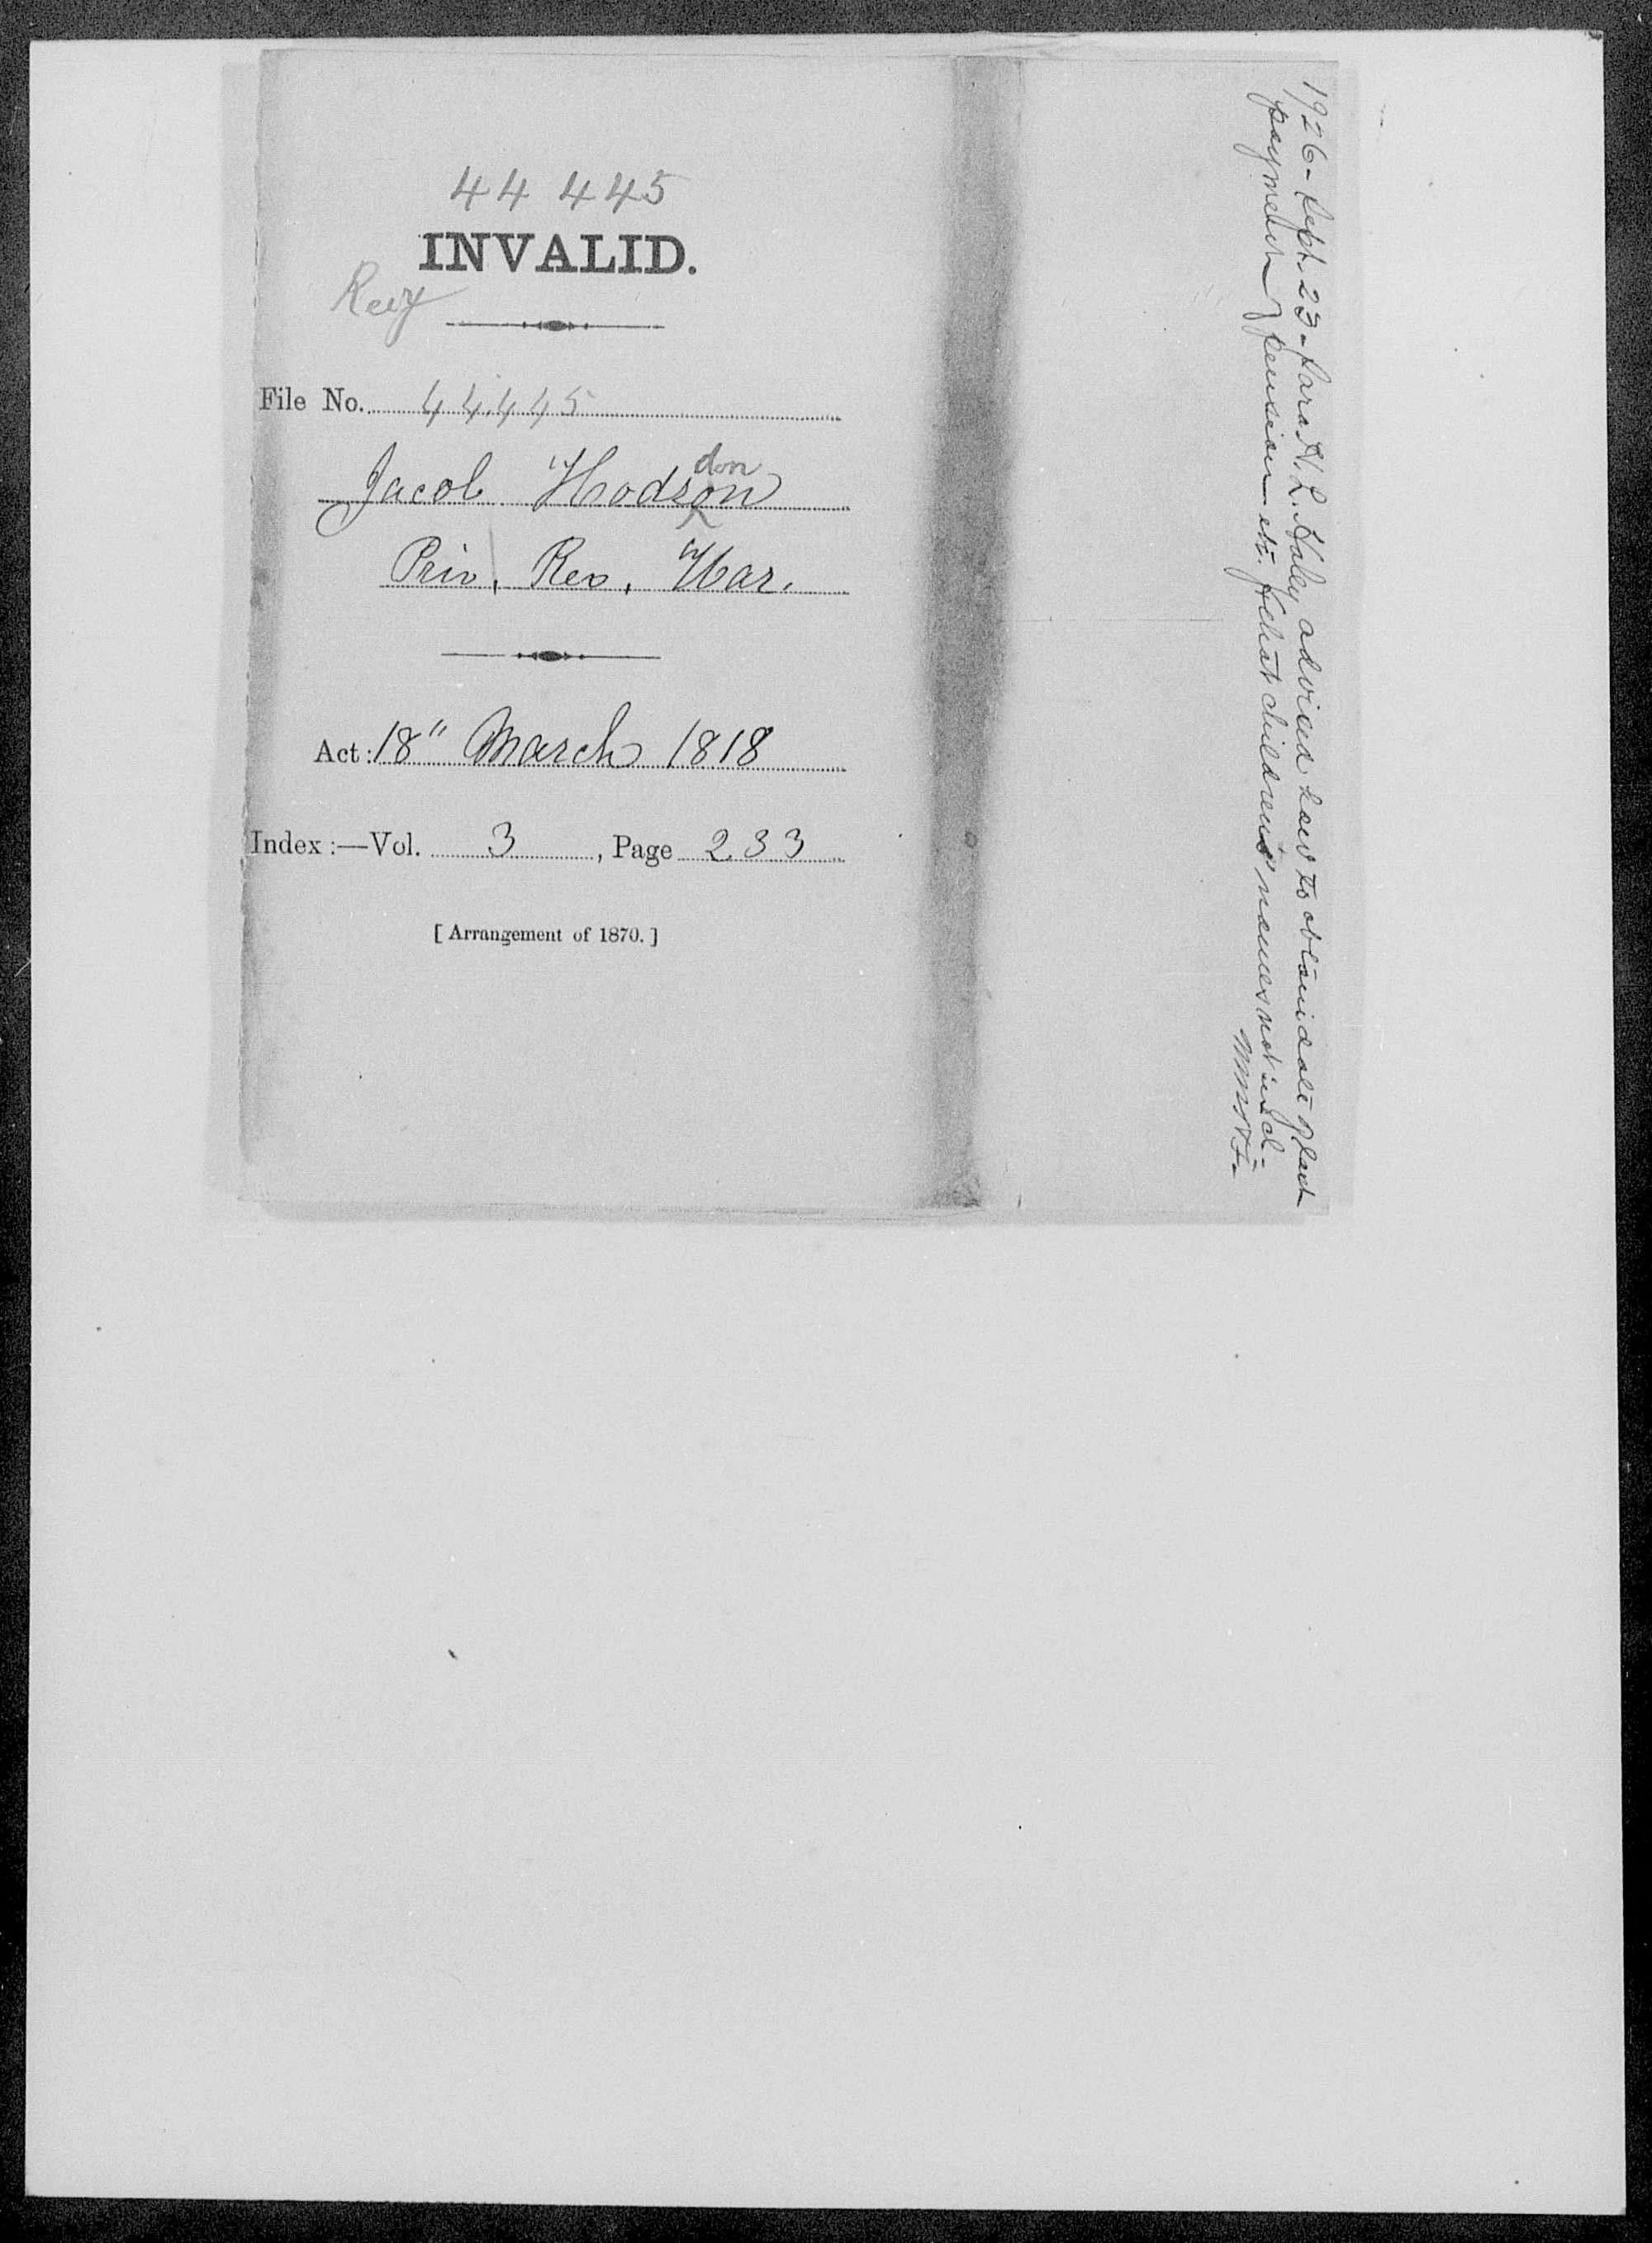44445
INVALID.
Revy
File No. 44445
Jacob Hodson don
Priv. Rev. War
Act: 18" March 1818
Index: - Vol. 3, Page 233
[Arrangement of 1870.]

[written on side in other direction] 1926 - Sept. 23 - Sara H.L. Haley advised how to obtain date of last payment of pension etc. & list childrens' names not incl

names: Sara H L Haley, Jacob Hodsdon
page: 9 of 22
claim: survivor's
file: S 44445, Jacob Hodsdon, Mass.